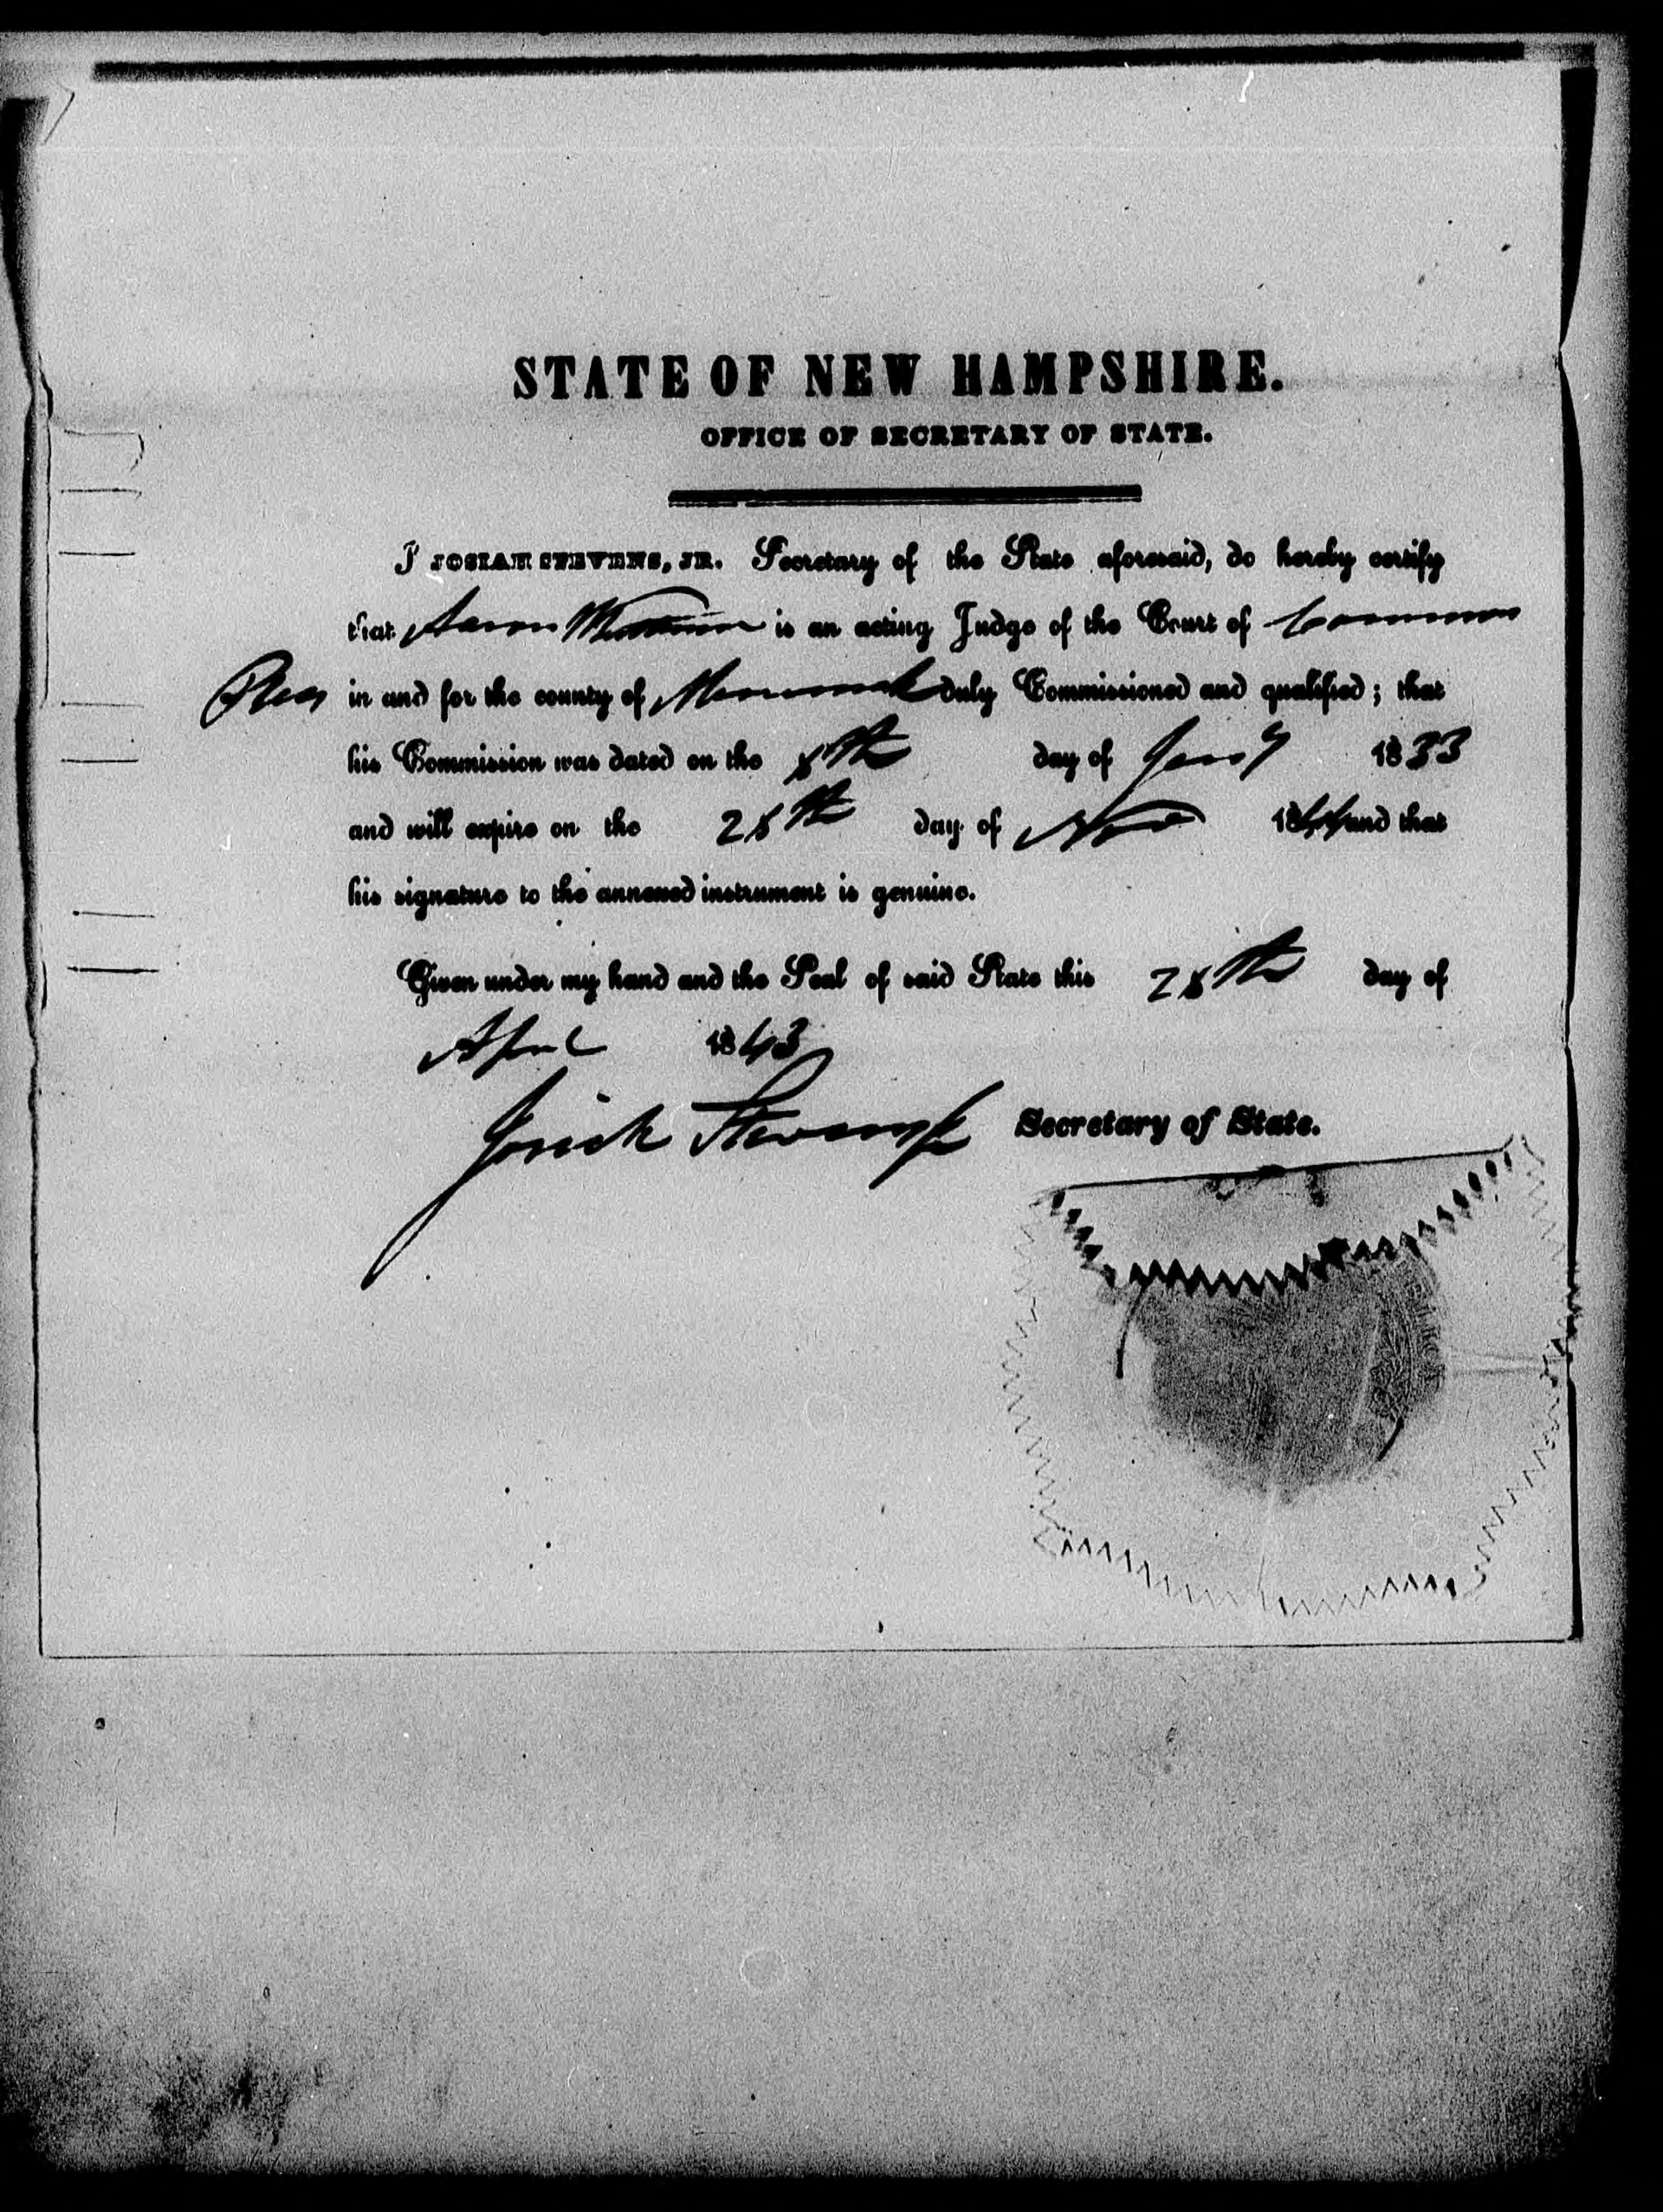STATE OF NEW HAMPSHIRE.
OFFICE OF SECRETARY OF STATE.
I JOSIAH STEVENS, Secretary of the State aforesaid, do hereby certify
Aaron Whitman is an acting Judge of the Court of Common Pleas
in and for the County of Merrimack duly Commissioned and qualified; that
his Commission was dated on the 8th day of Jany 1833
and will expire on the 26th day of Nov and has
his signature to the annexed instrument is genuine.
Given under my hand and the Seal of said State this 28th day of April
1843
Josiah Stevens Secretary of State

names: Aaron Whittemore, Josiah Stevens, Josiah Stevens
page: 42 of 57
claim: widow's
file: W. 16,114, John Elliot, Continental (Mass) N.H.